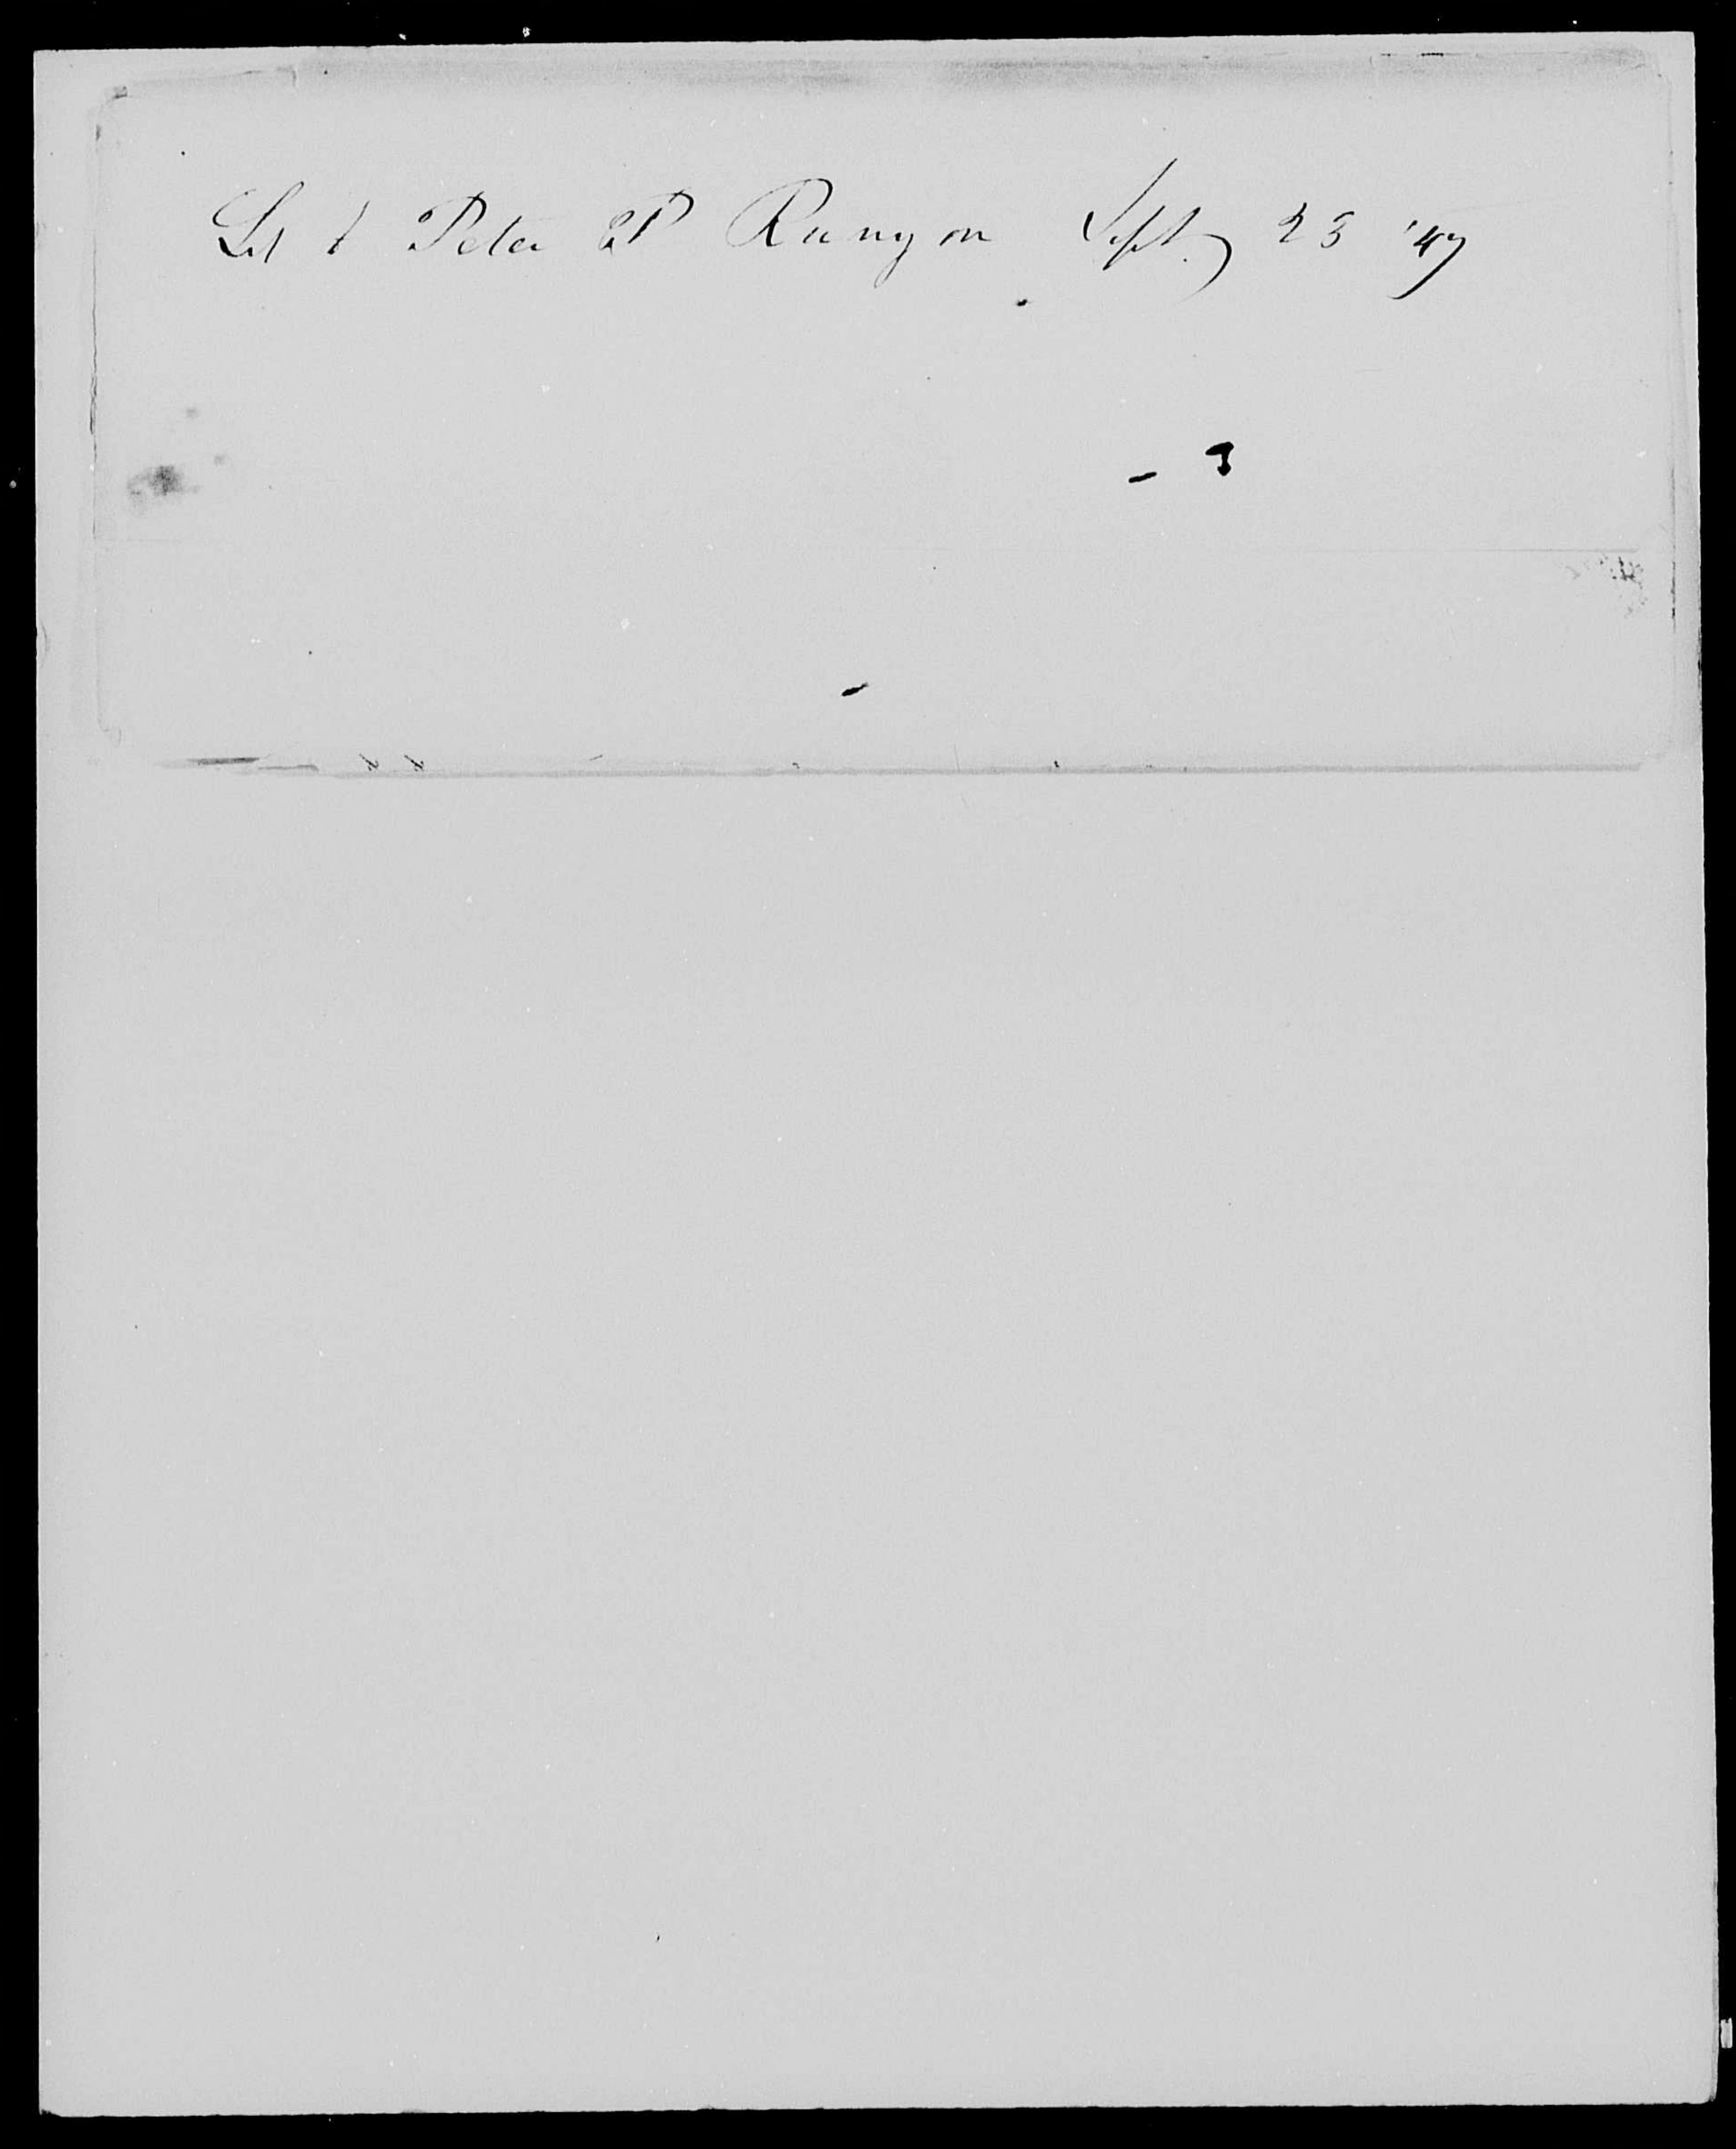[illegible] Peter D. Runyon   Sept. 23 ‘47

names: Peter P Runyon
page: 3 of 52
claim: widow's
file: W. 919, Joel Dunn, New Jersey